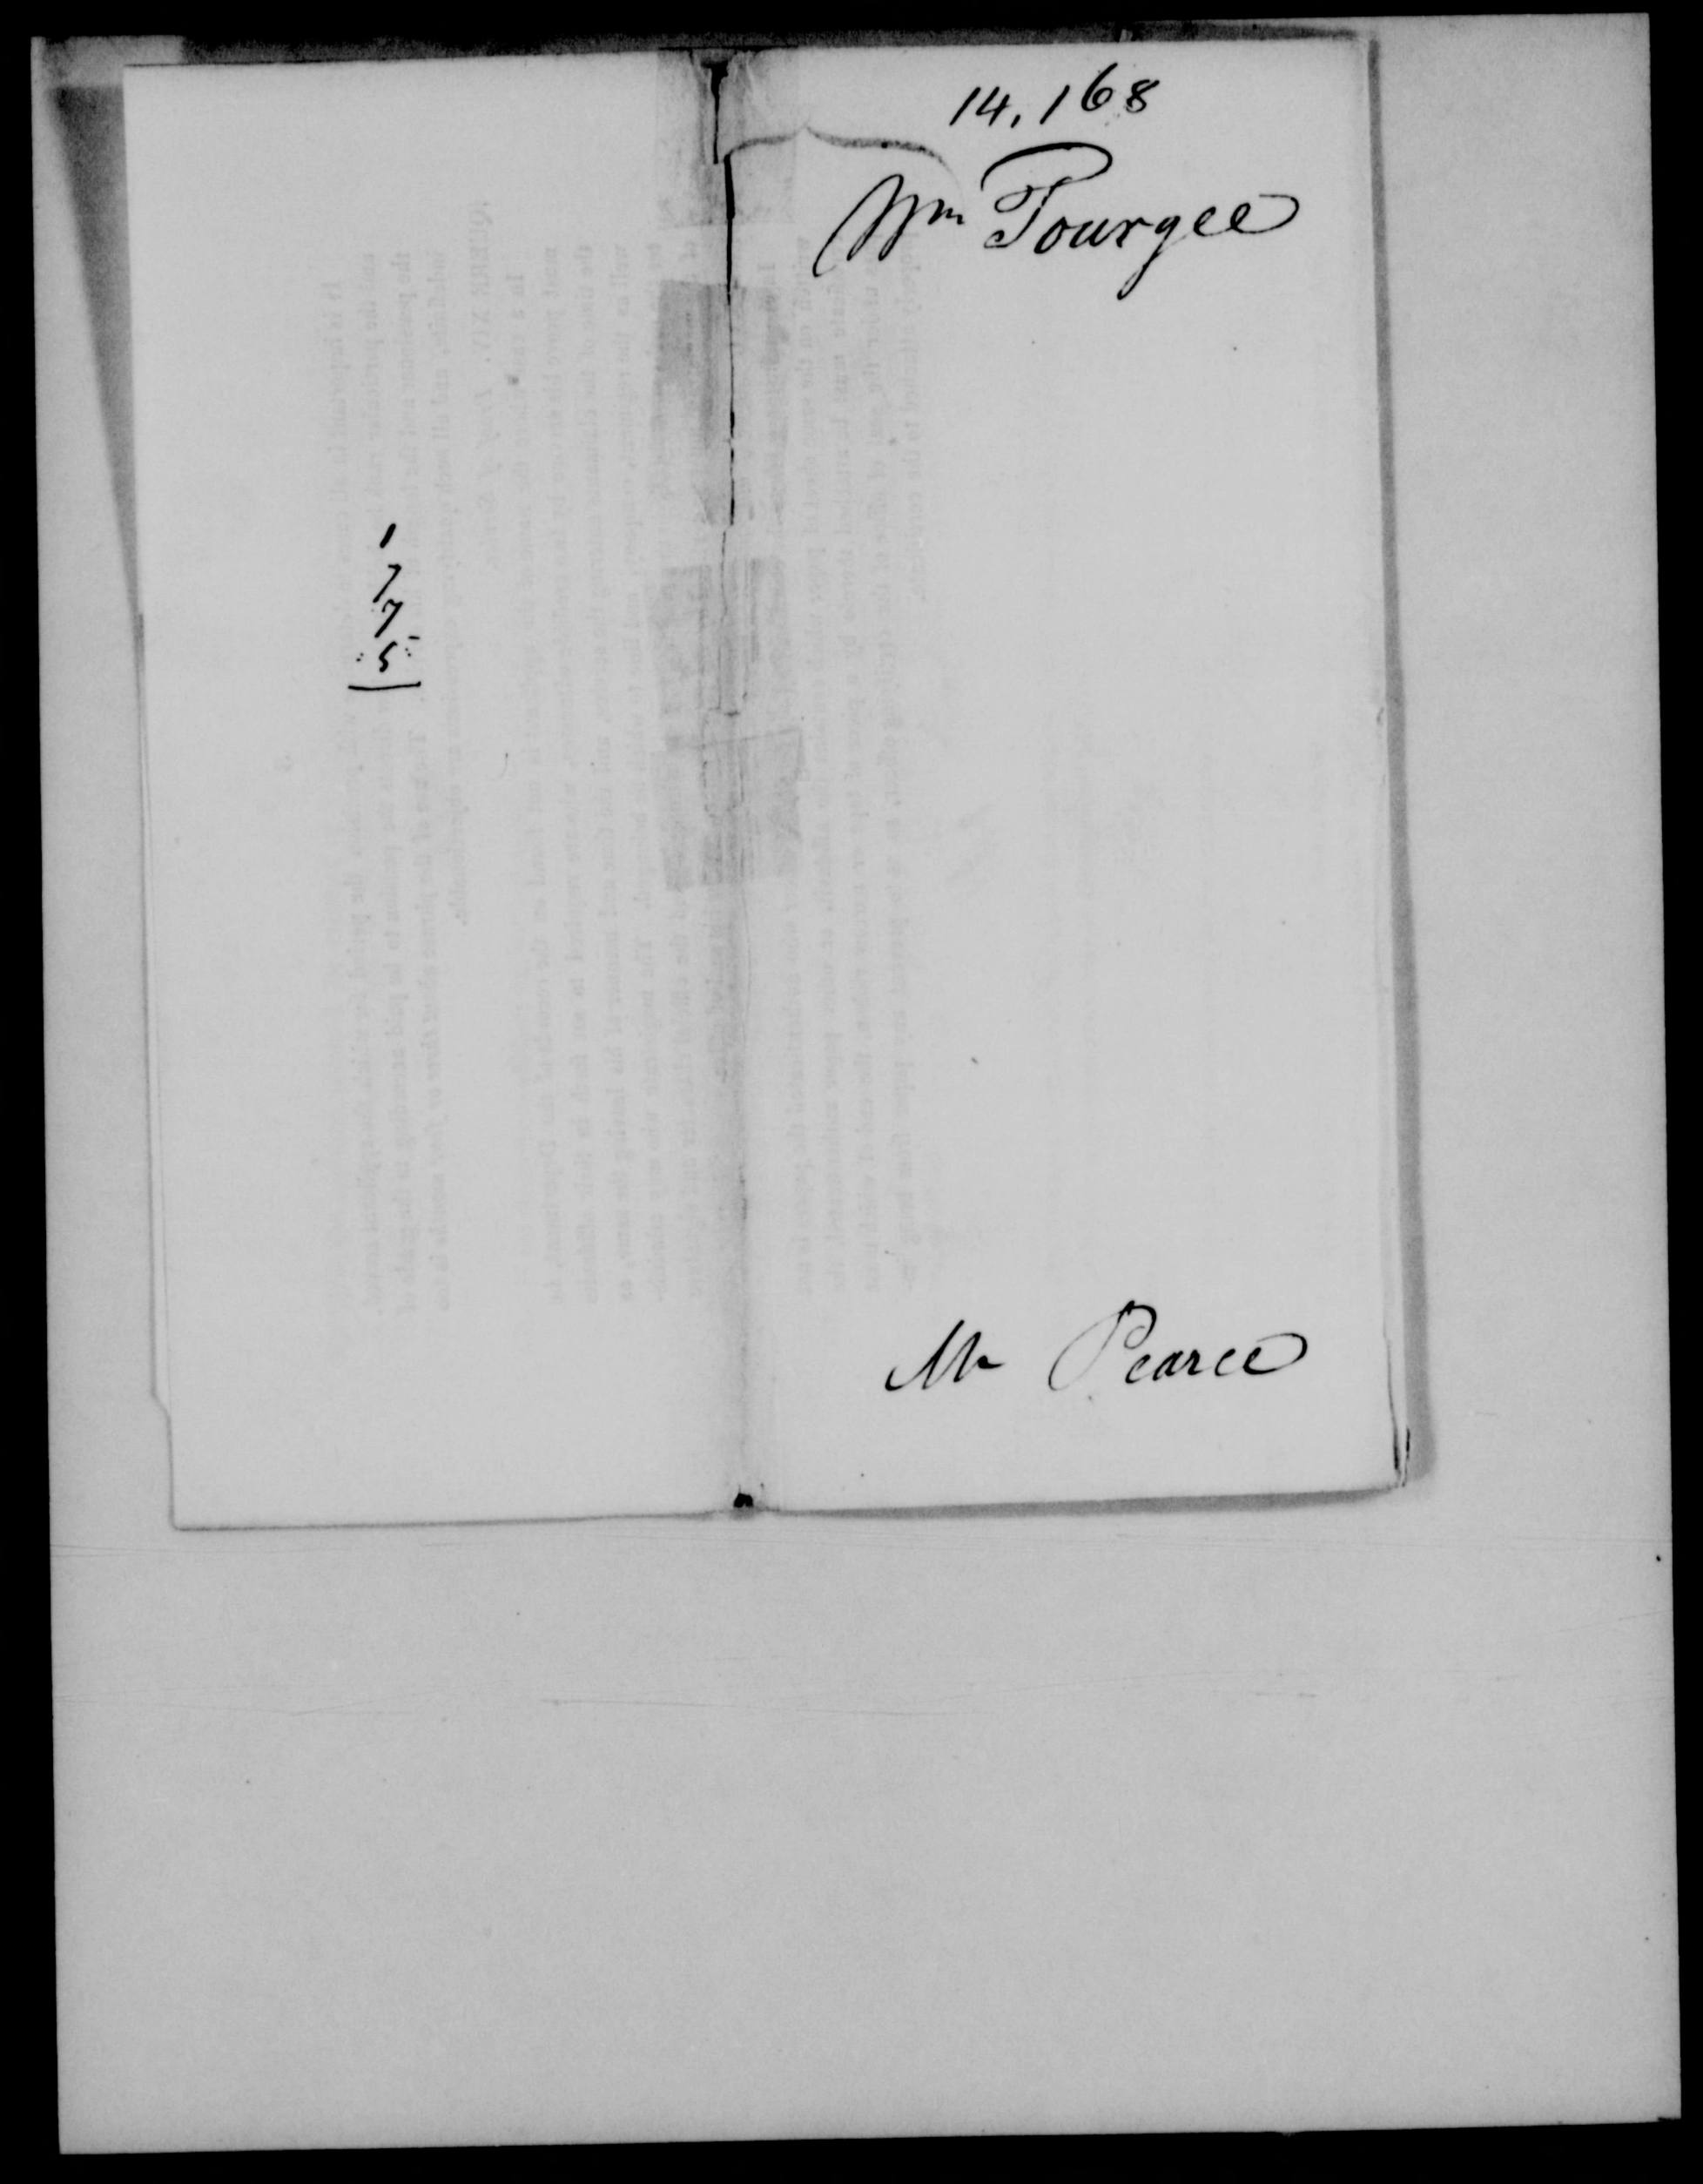14168

Wm Tourgee
M Pearce
1
7
7
5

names: Wm Tourgee, Pearce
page: 18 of 21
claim: survivor's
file: S. 21537, William Tourgee, R.I.